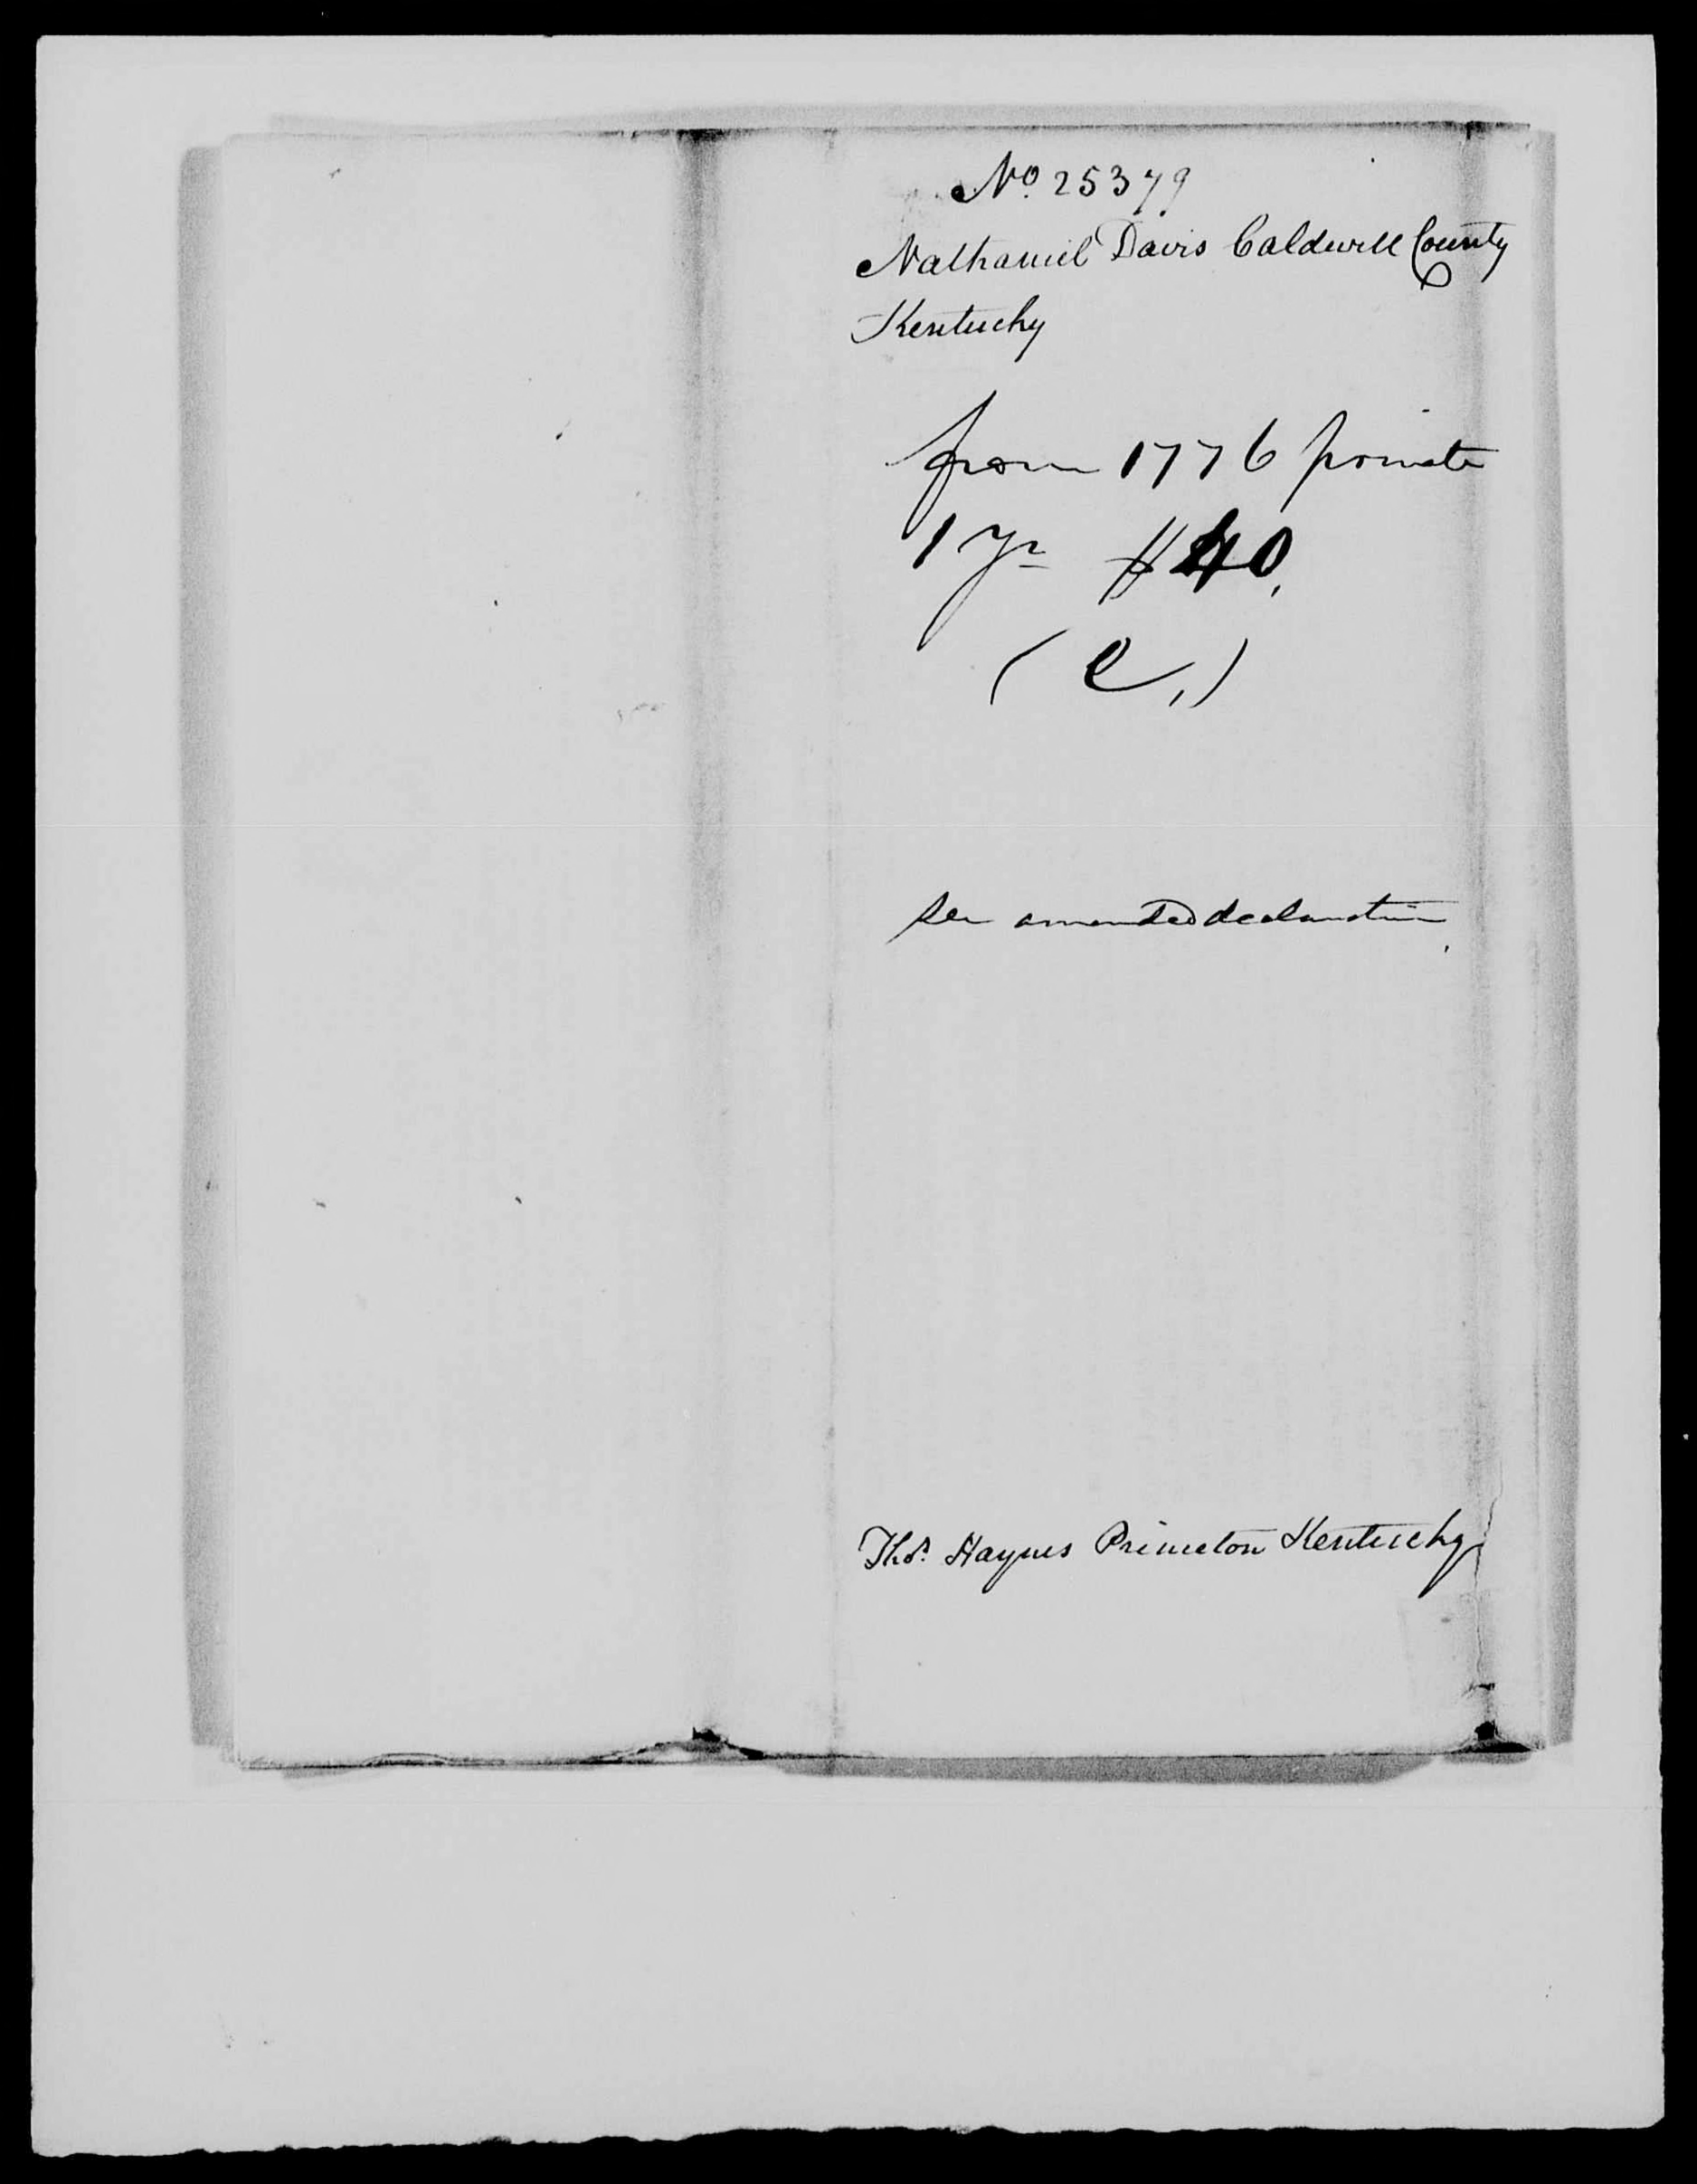No. 25379
Nathaniel Davis Caldwell County
Kentucky

from 1776 private
1 yr $40,
(C.)

see amended declaration

Thos. Haynes Princeton Kentucky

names: Nathaniel Davis, Thos Haynes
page: 7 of 18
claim: survivor's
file: S. 30,366, Nathaniel Davis, N.C. Va.